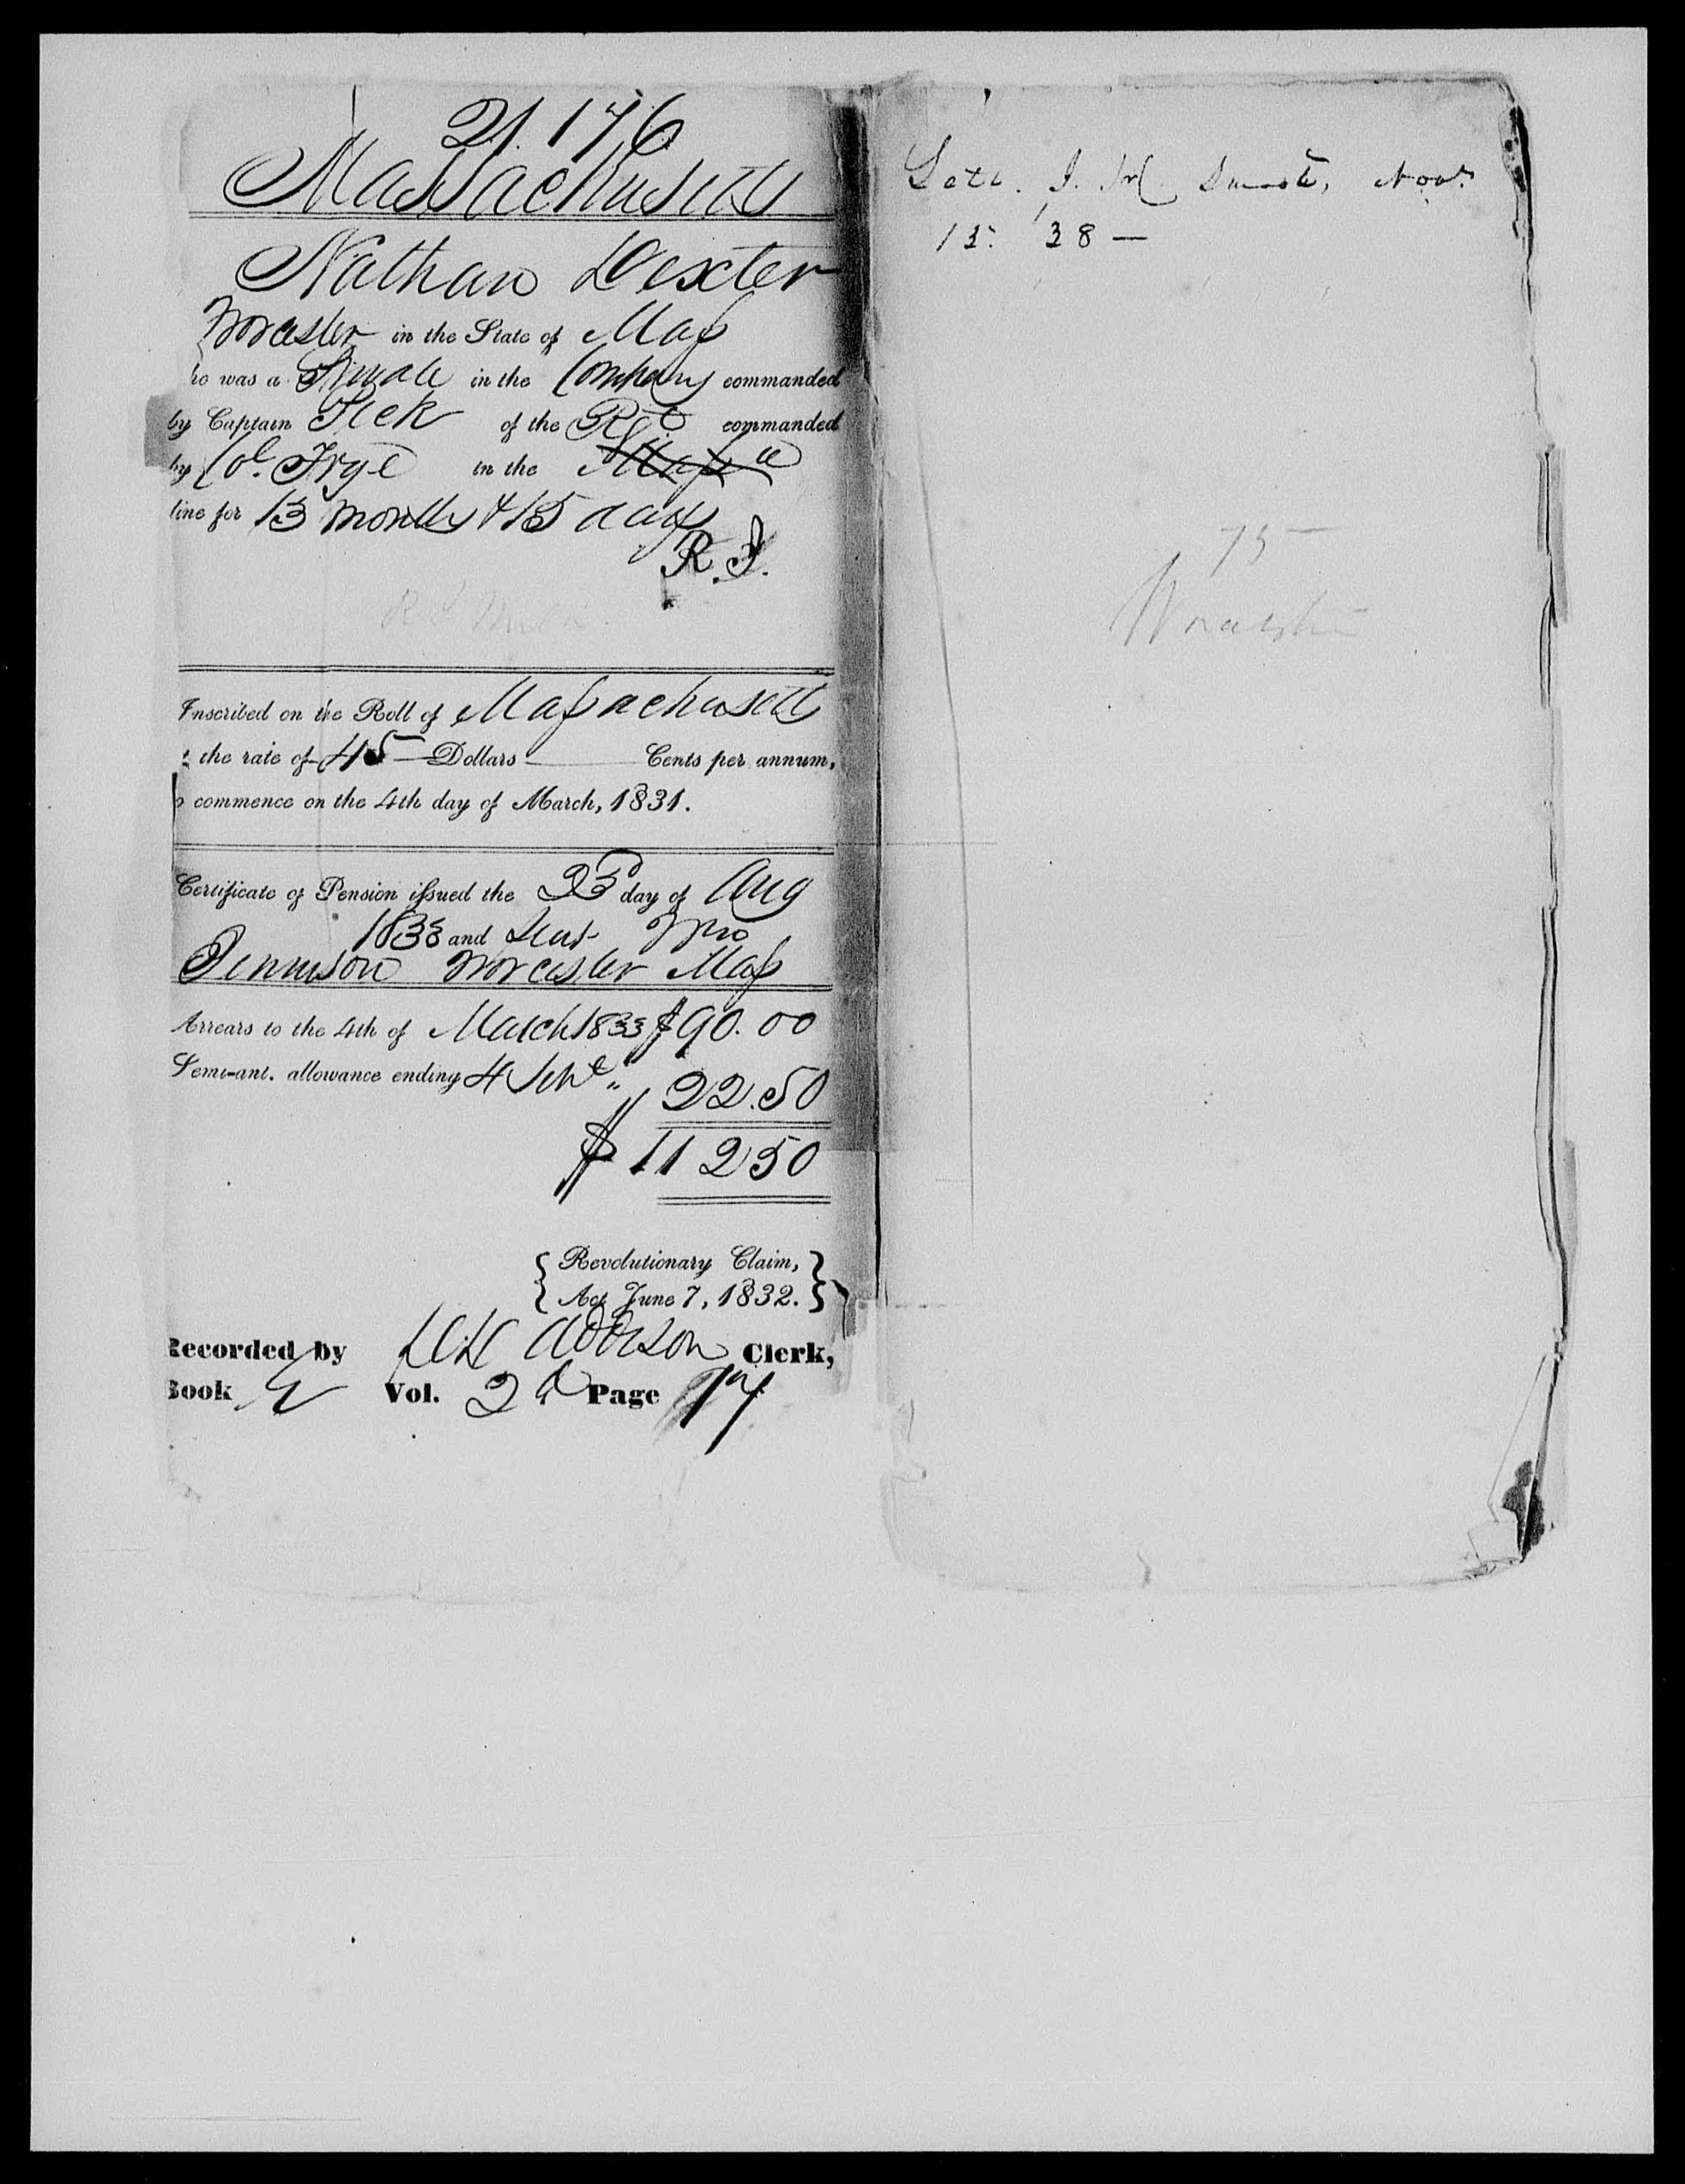2.1.176
Massachusetts
Nathan Dexter
ster in the State of Mass
who was a Private in the Company commanded
by Captain Peck of the Rgt commanded
by Col. Frye in the line for 13 months & 15 days R.I.

Inscribed on the Roll of Massachusetts the rate of 45 Dollars [blank] cents per annum to commence on the 4th day of March 1831.

Certificate of Pension issued the 25th day of Aug 1833 and seat M
Dennison Worcester Mas.
Arrears to the 4th of March 1833 $90.00
Semi-anl allowance ending 4 June  22.50
$112.50

Revolutionary Claim
Act June 7, 1832

Recorded by D H Addison Clerk
BOok E Vo. 2d Page 17

[illegible]
13 '38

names: D D Addison, Wm Jennison, Peck, Frye, Nathan Dexter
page: 2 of 35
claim: survivor's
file: S. 18374, Nathan Dexter, R.I.